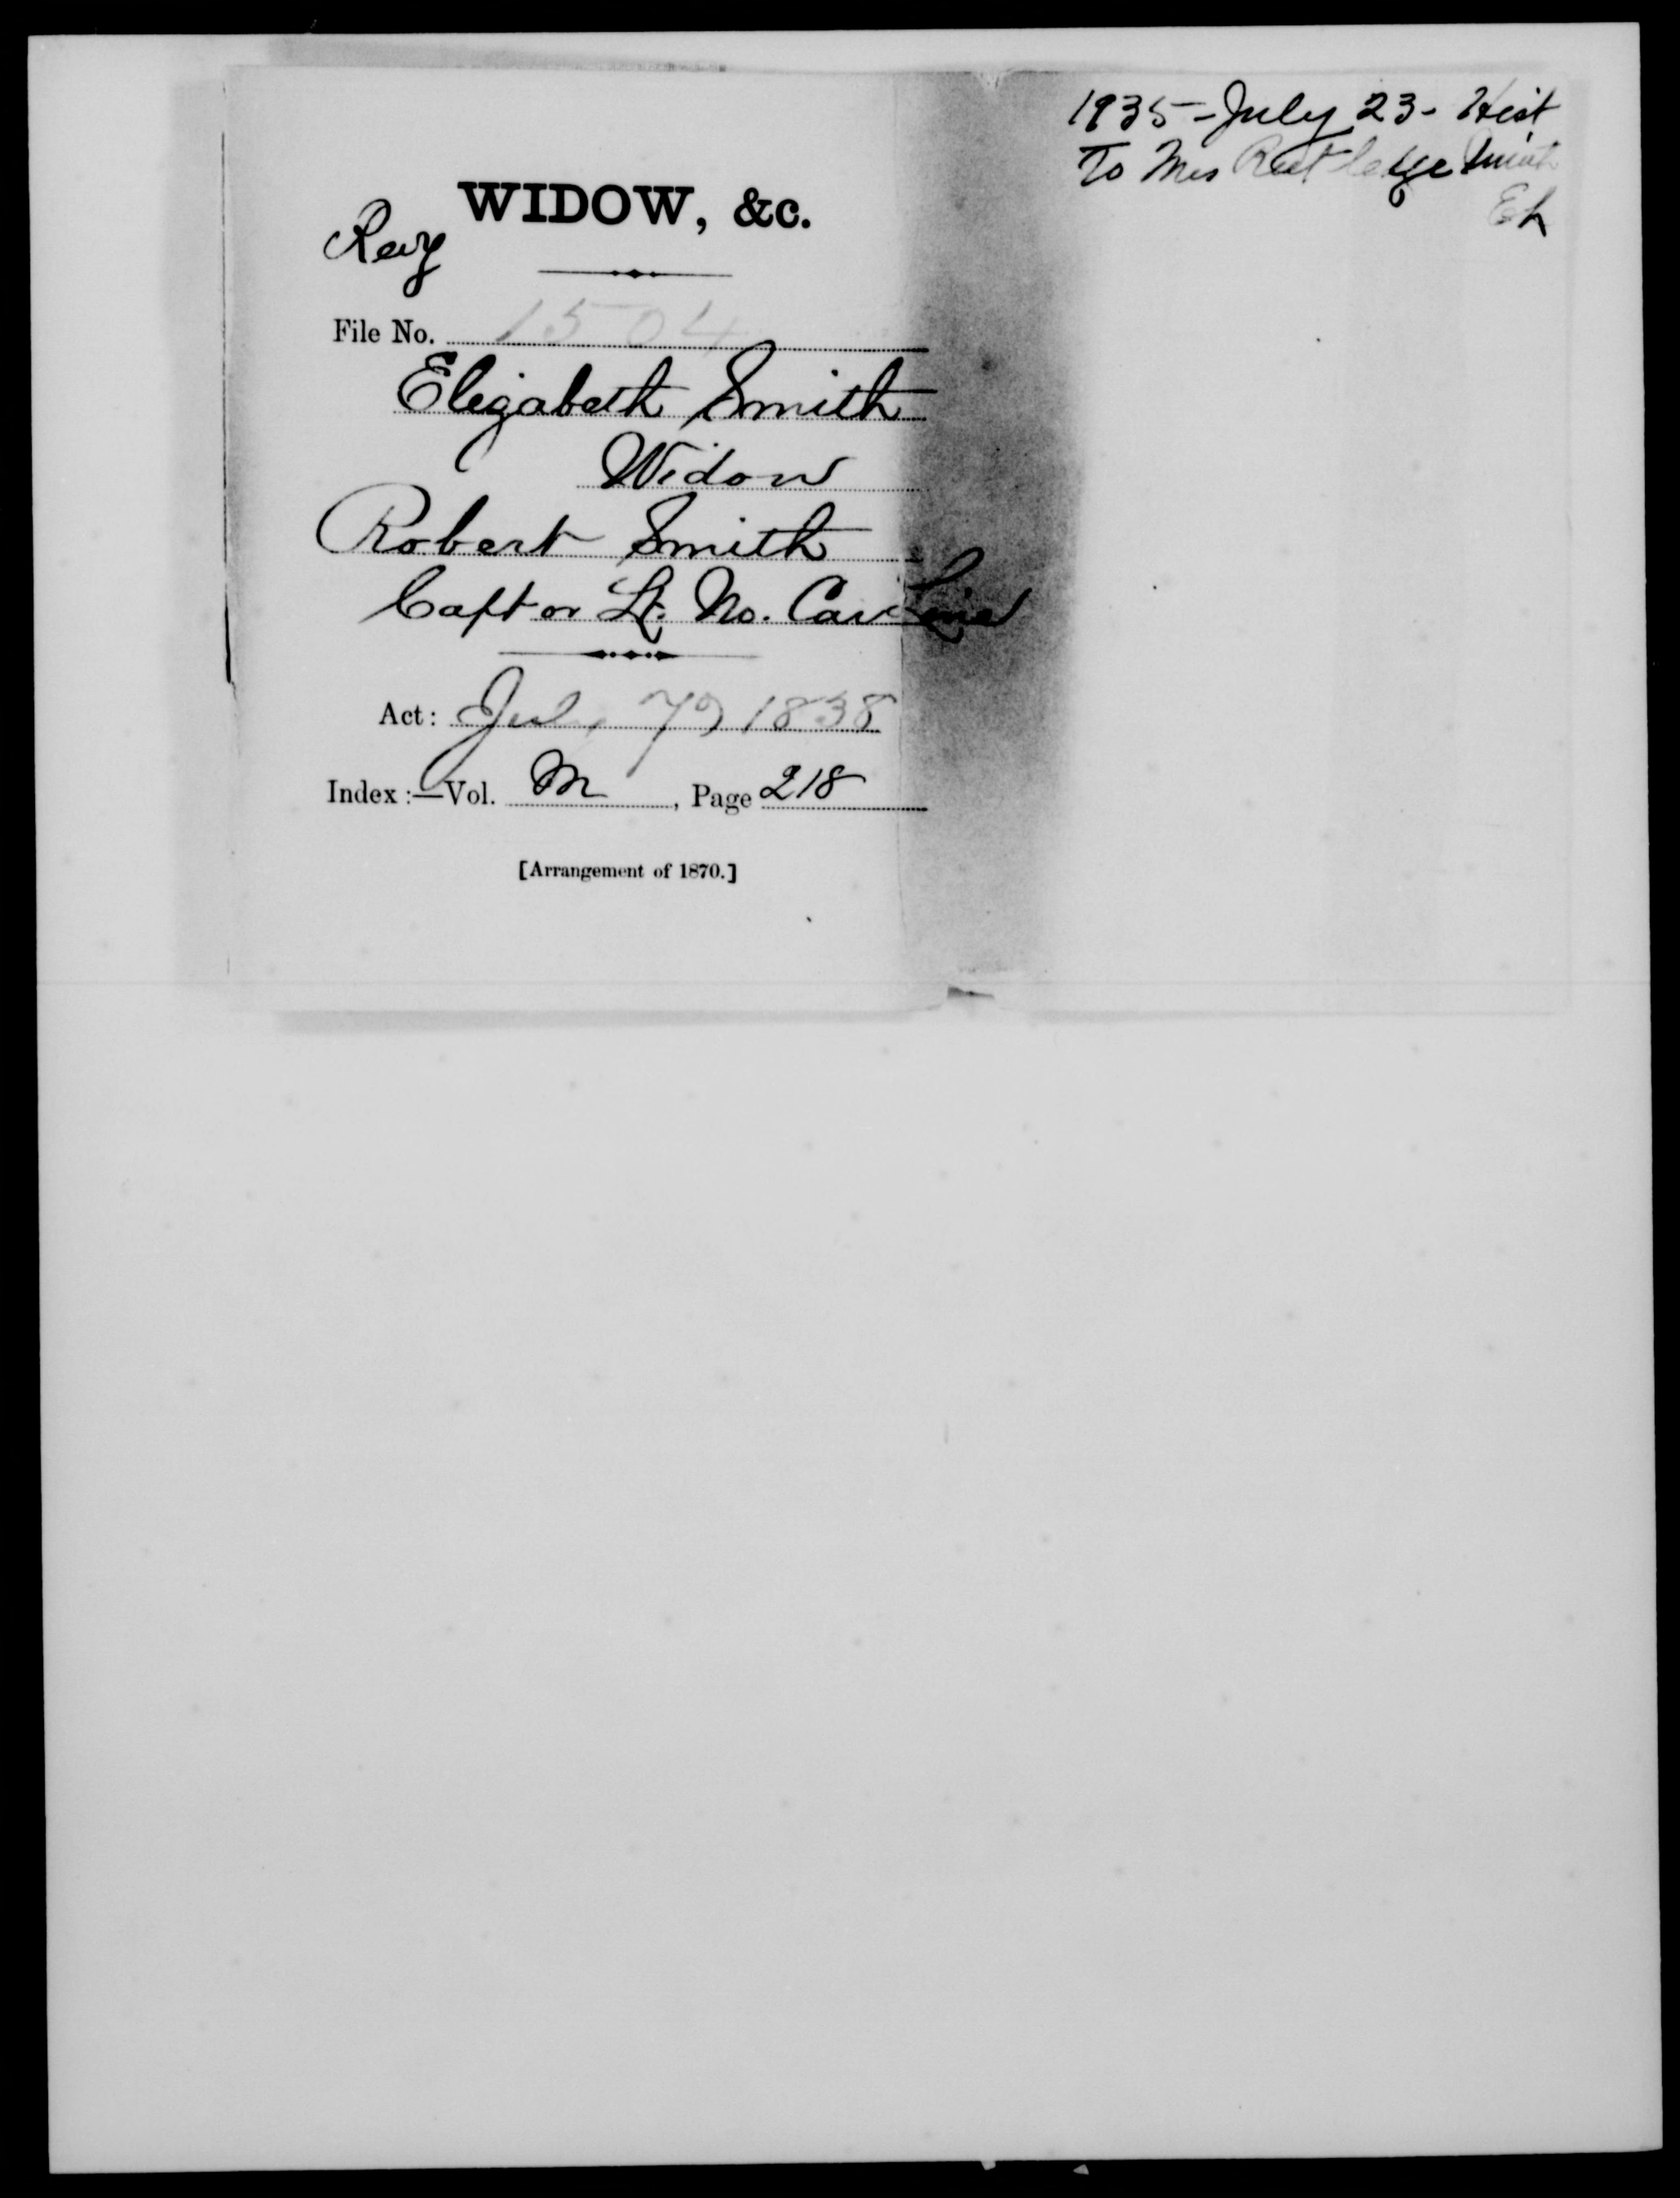Revy
WIDOW, &c.
_______

File No. 1504
Elizabeth Smith
Widow
Robert Smith
Capt or L. No. Car Line
____________
Act: July 7th, 1838 ┃
Index: Vol. M, Page 218
[Arrangement of 1870.]

1935 - July 23 - Hist
to Mrs Rutledge Smith
E [illegible]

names: Elizabeth Smith; Robert Smith; Rutledge Smith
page: 39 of 79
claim: widow's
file: W. 1504, for Robert Smith, North Carolina